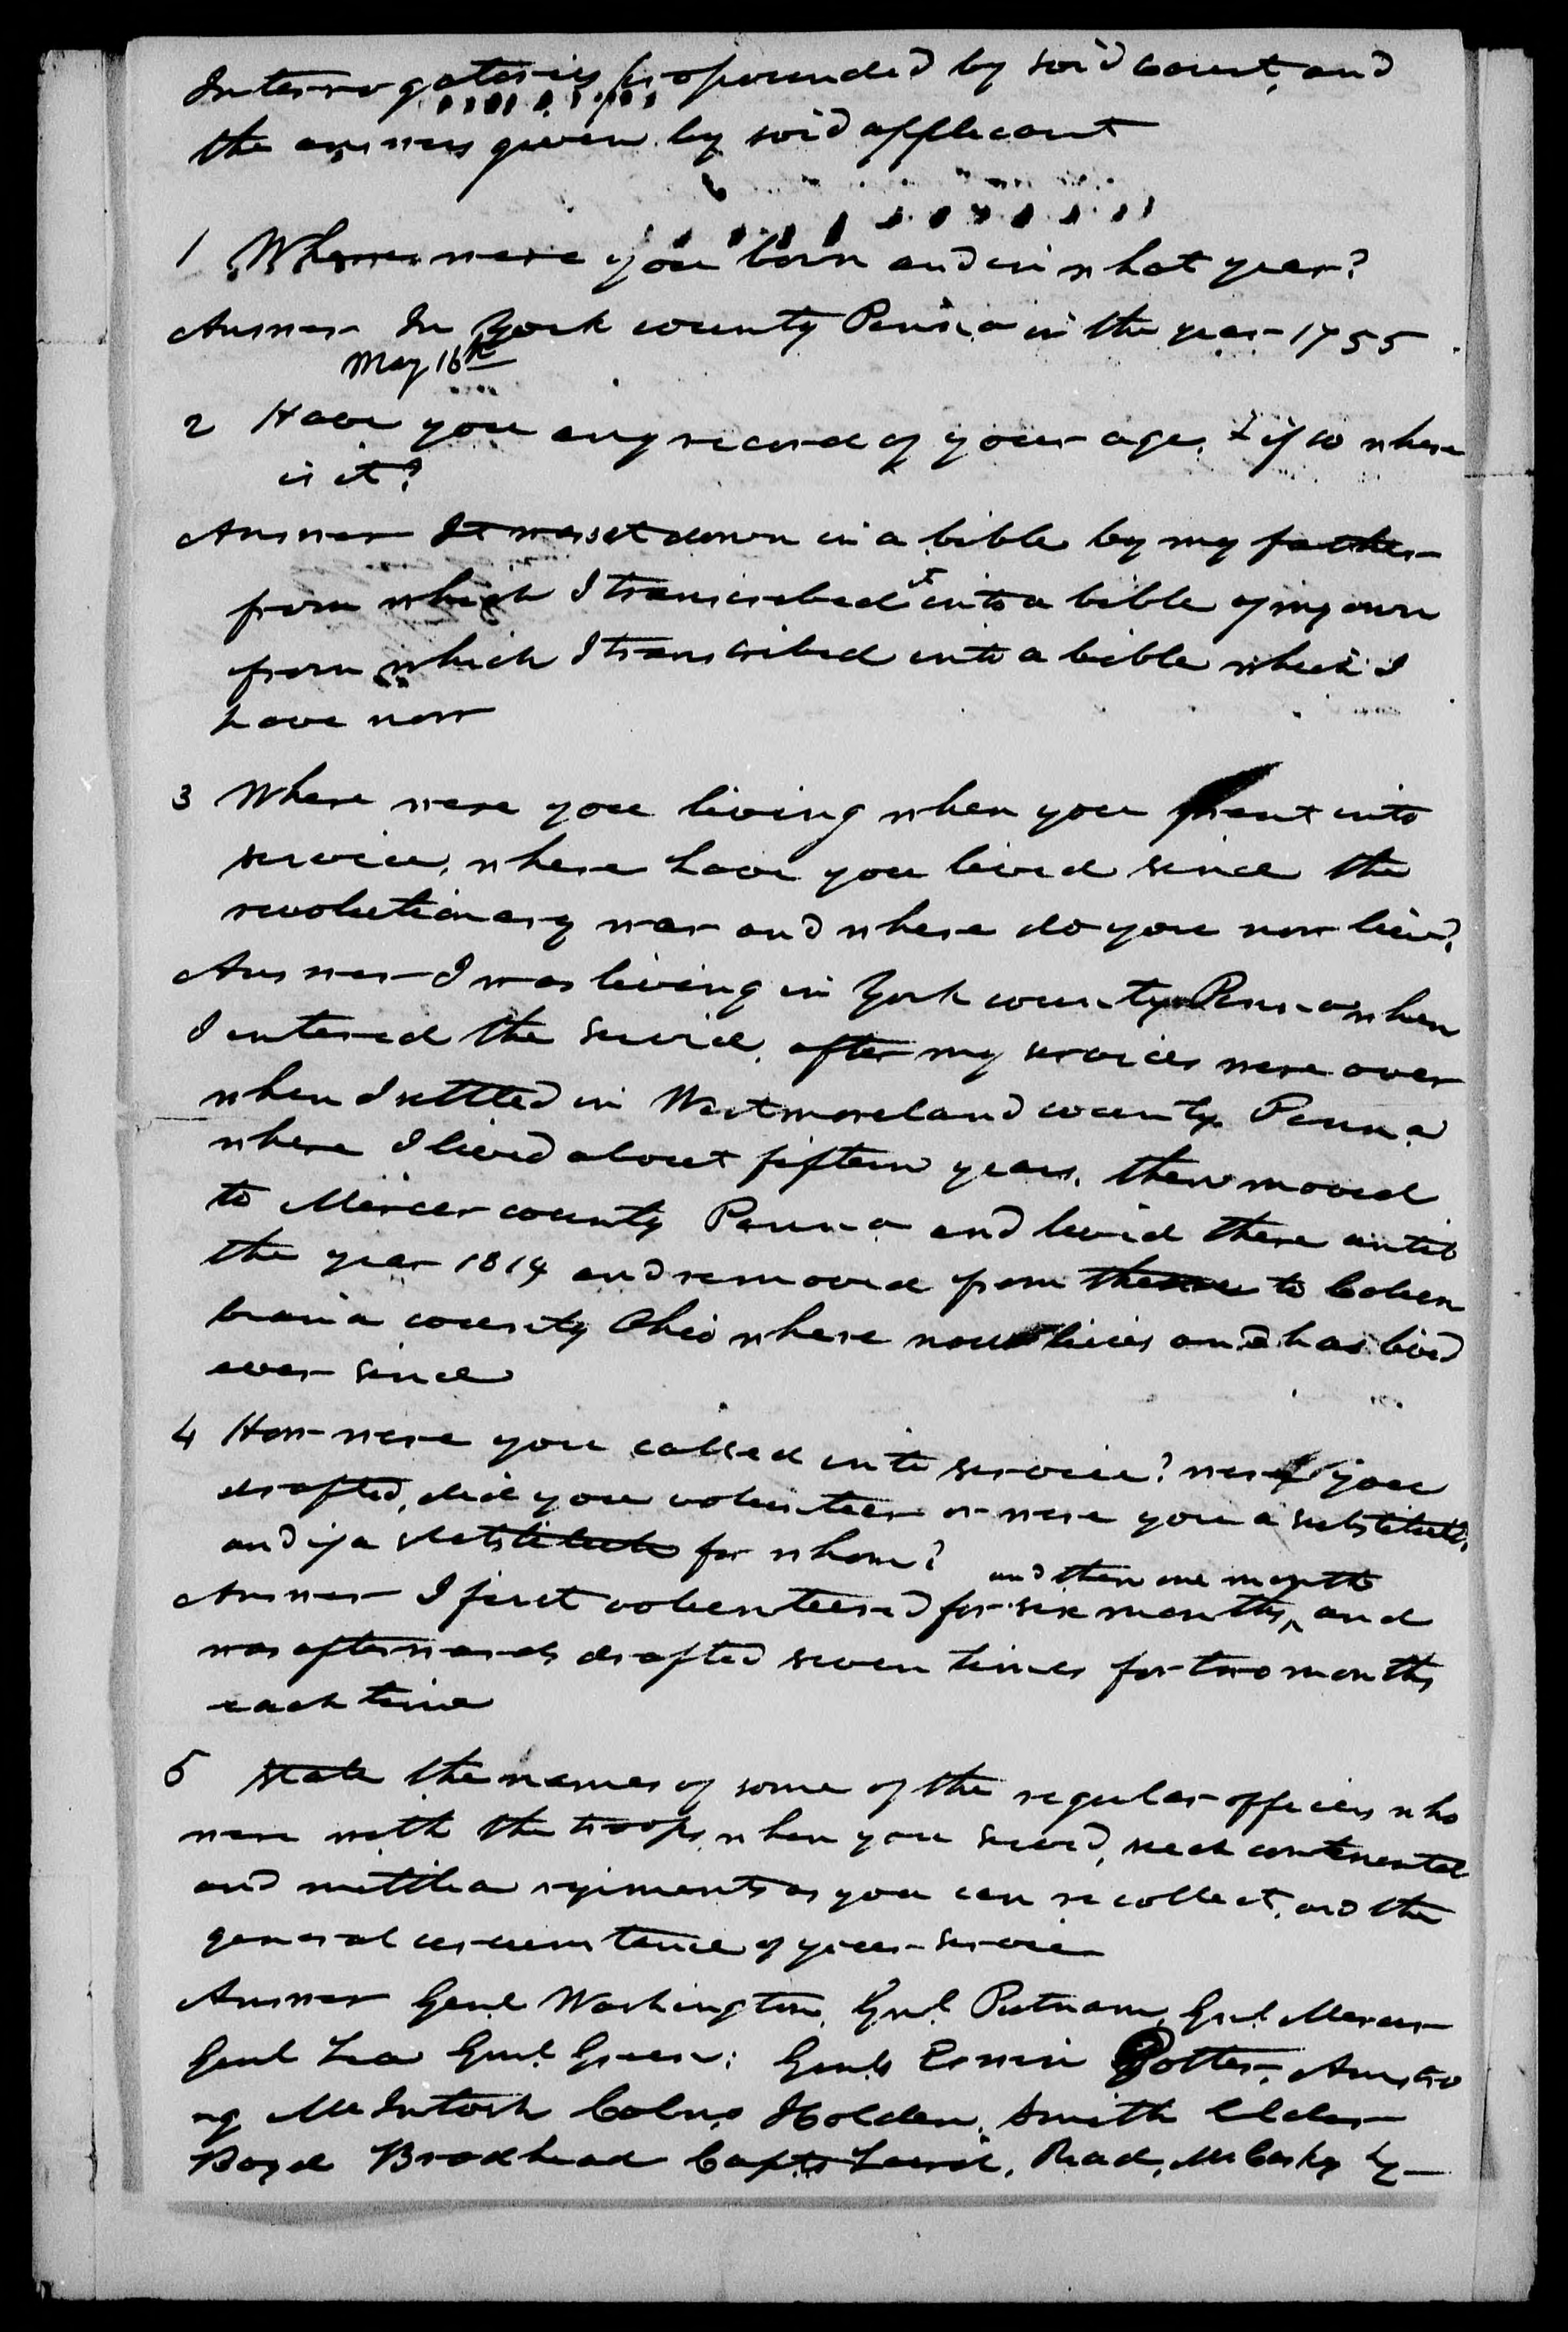Interrogatories propounded by said Court and
the answers given by said applicant

1 Where were you born and in what year?
Answer   In York County Penna in the year 1755
May 16th
2 Have you any record of your age & if so where
is it?
Answer   It was set down in a bible by my father
from which I transcribed it into a bible of my own
from which I transcribed into a bible which I
have now
3 Where were you living when you went into
service, where have you lived since the
revolutionary war and where do you now live?
Answer  I was living in York County Penna when
I entered the service, after my services were over
when I settled in Westmoreland County Penna
where I lived about fifteen years, then moved to
Mercer County Penna and lived there until
the year 1819 and removed from thence to Columbiana
County Ohio where now lives and has lived
ever since
4 How were you called into service? were you
drafted, did you volunteer or were you a substitute
and if a substitute, for whom?
Answer   I first volunteered for six months and then one month and
was afterwards drafted seven times for two months
each time
5 State the names of some of the regular officers who
were with the troops when you served, [???] continental
and [within?] regiments you can recollect and the
general circumstance of your service.
Answer  Genl Washington, Genls Putnam, Genl Morris
Genl Lea[?] Genl Green; Genls Erwin Potter Armstrong
McIntosh Colns Holder Smith Clark
Boyd Brodhead Capts Laird, Read, McCasky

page: 10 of 39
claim: survivor's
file: S. 2812, for David Mc Kinley, Pennsylvania